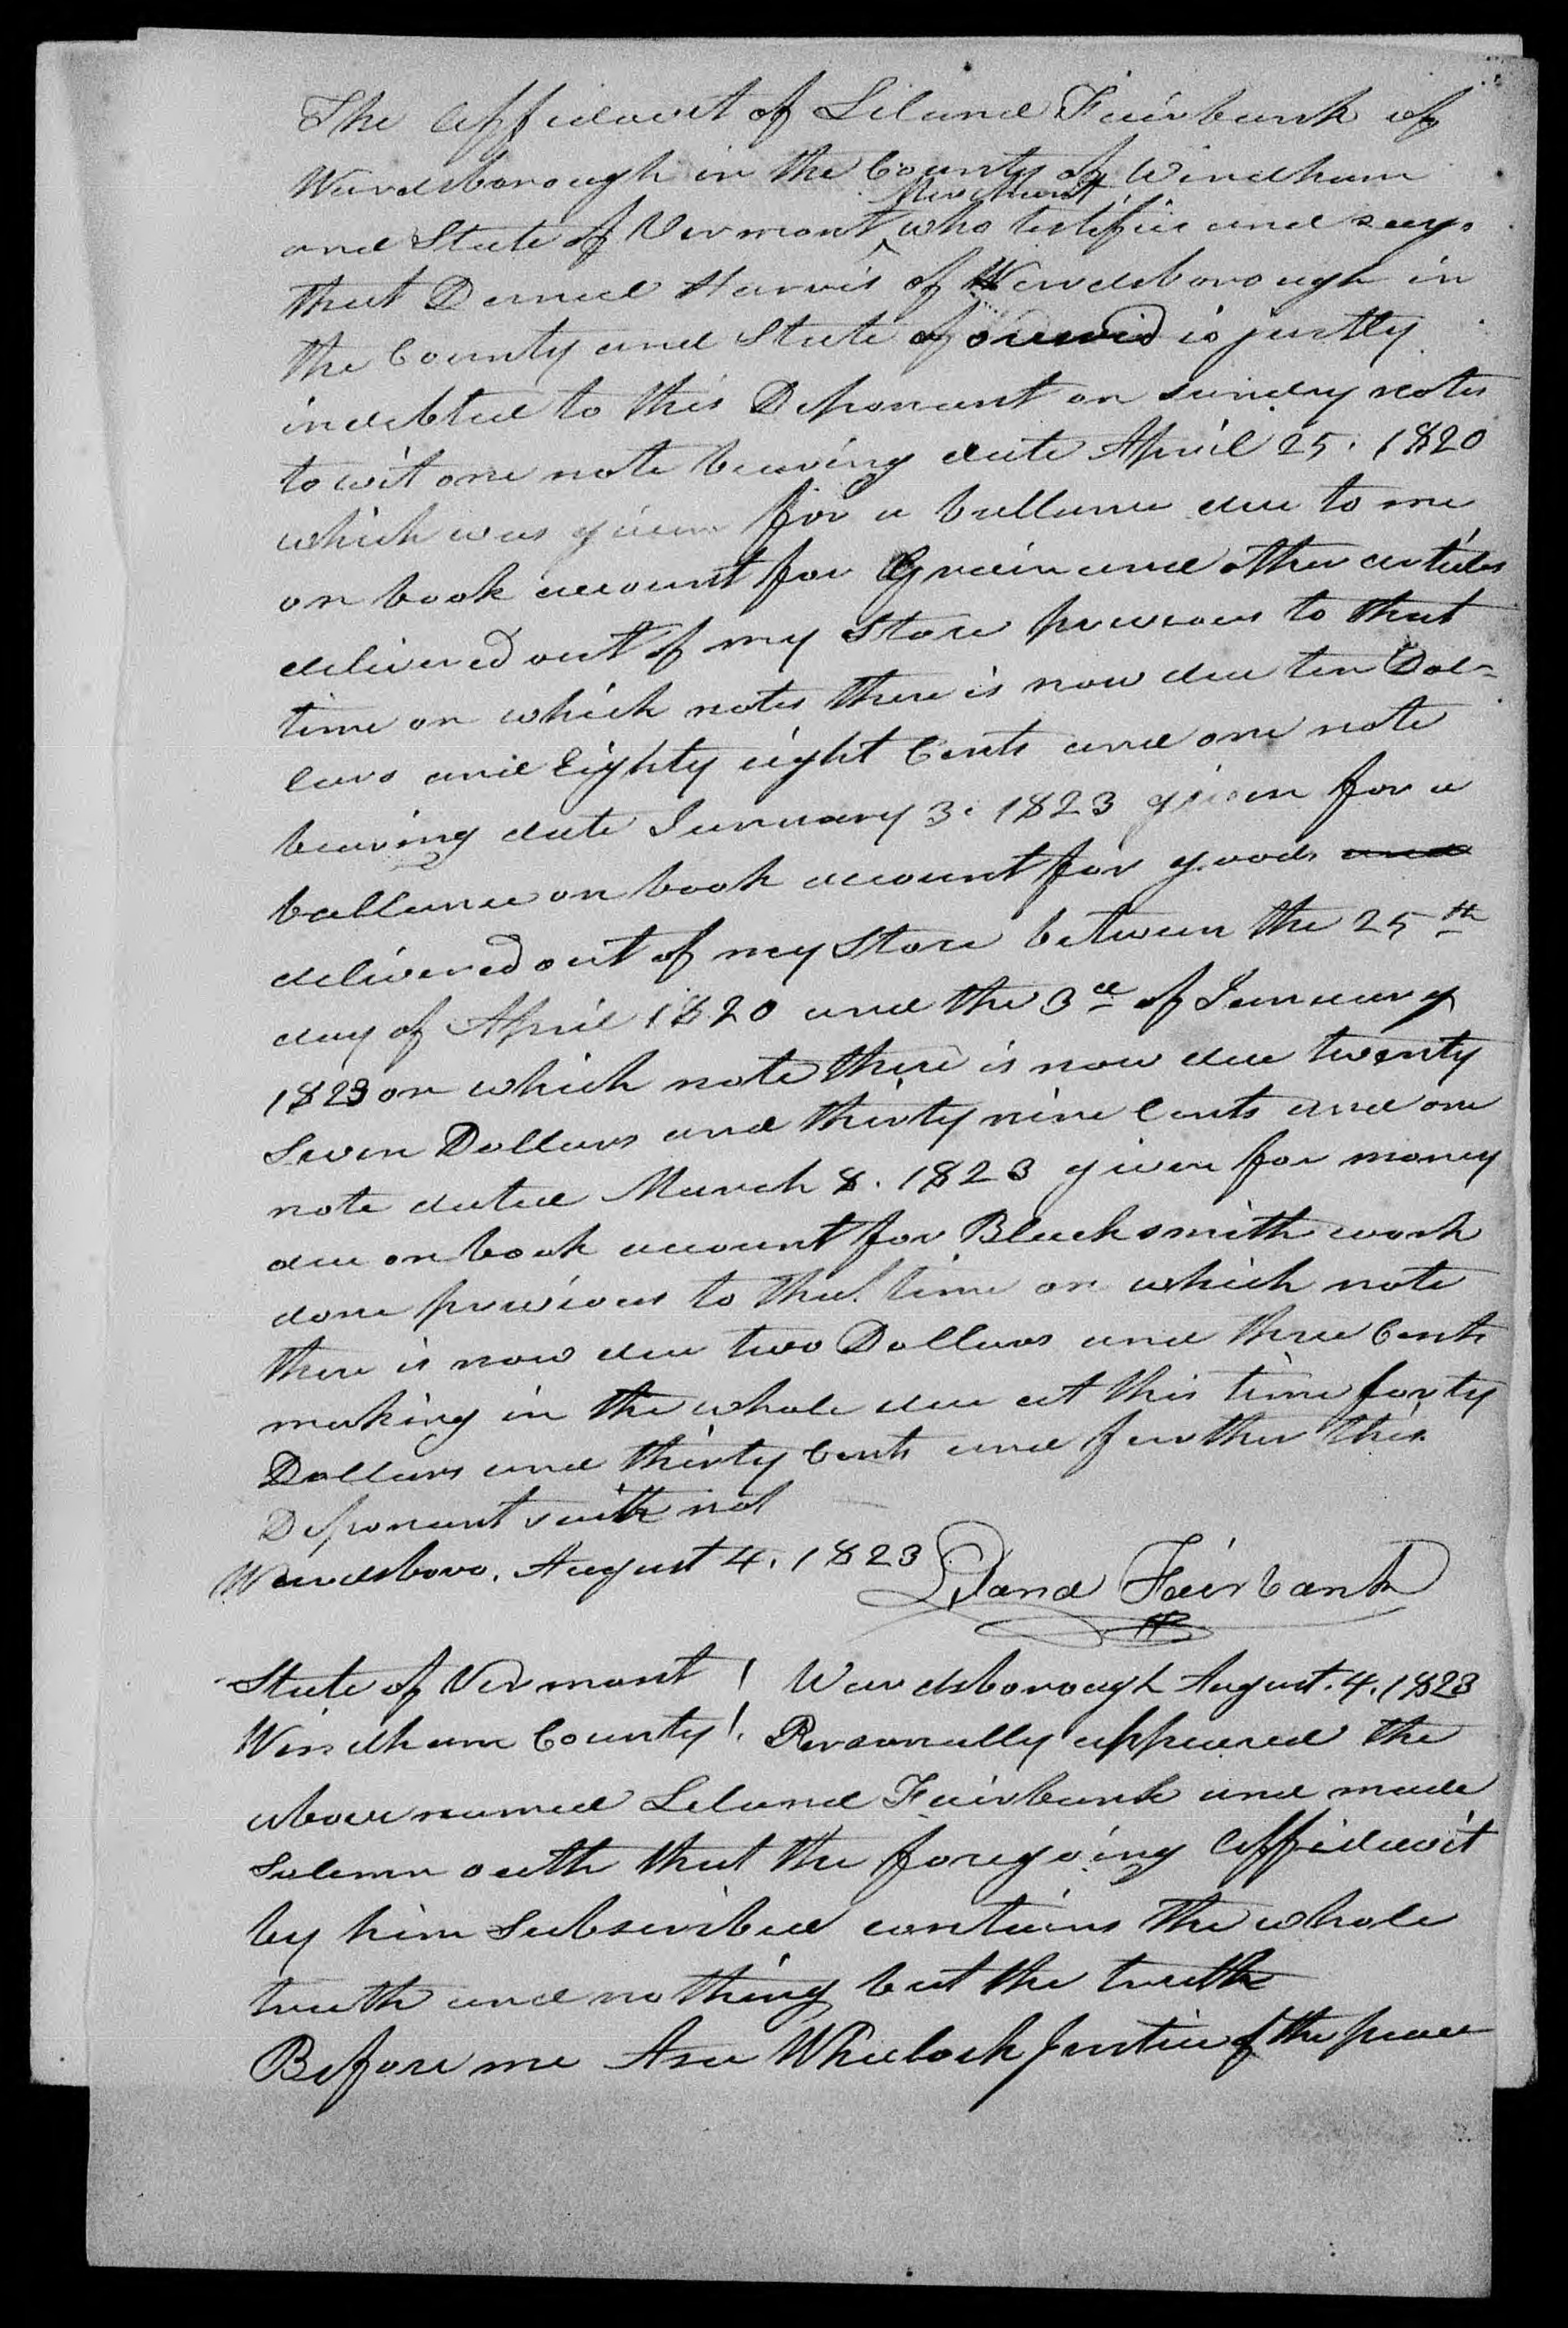The affidavit of Leland Fairbank of Wardsborough in the County of Windham and State of Vermont (?) who testifies and says that Daniel Harris of Wardsborough in the County and State of (?) is justly indebted to this Deponent on sundry notes to wit one note (?) date April 25 1820 which was of (?) for a ballance due to me on book account for (?) other articles delivered out of my Store previous to that time on which notes there is not due ten Dollars and eighty eight Cents and one note bearing date January 3 1823 (?) for a ballance on book account for goods delivered out of my store between the 25th day of April and the 3rd of January 1823 on which note there is now due twenty seven Dollars and thirty nine Cents and one note dated March 8 1823 given for money due on book account for Blacksmith work done previous to the time are which note there is now due two Dollars and three Cents making in the whole due at this time forty Dollars and thirty Cents and further this Deponent with not
Wardsboro,  August 4, 1823

Signature of Leland Fairbank

State of Vermont
Windham County
Wardsborough  August 4. 1823
Personally appeared the above named Leland Fairbank and made solemn oath that the foregoing affidavit by him subscribed contains the whole truth and nothing but the truth
Before me 
Asa Wheelock Justice of the Peace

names: Leland Fairbank, Leland Fairbank, Daniel Harris, Leland Fairbank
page: 57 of 68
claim: survivor's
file: S. 29,877, Daniel Harris, Mass.